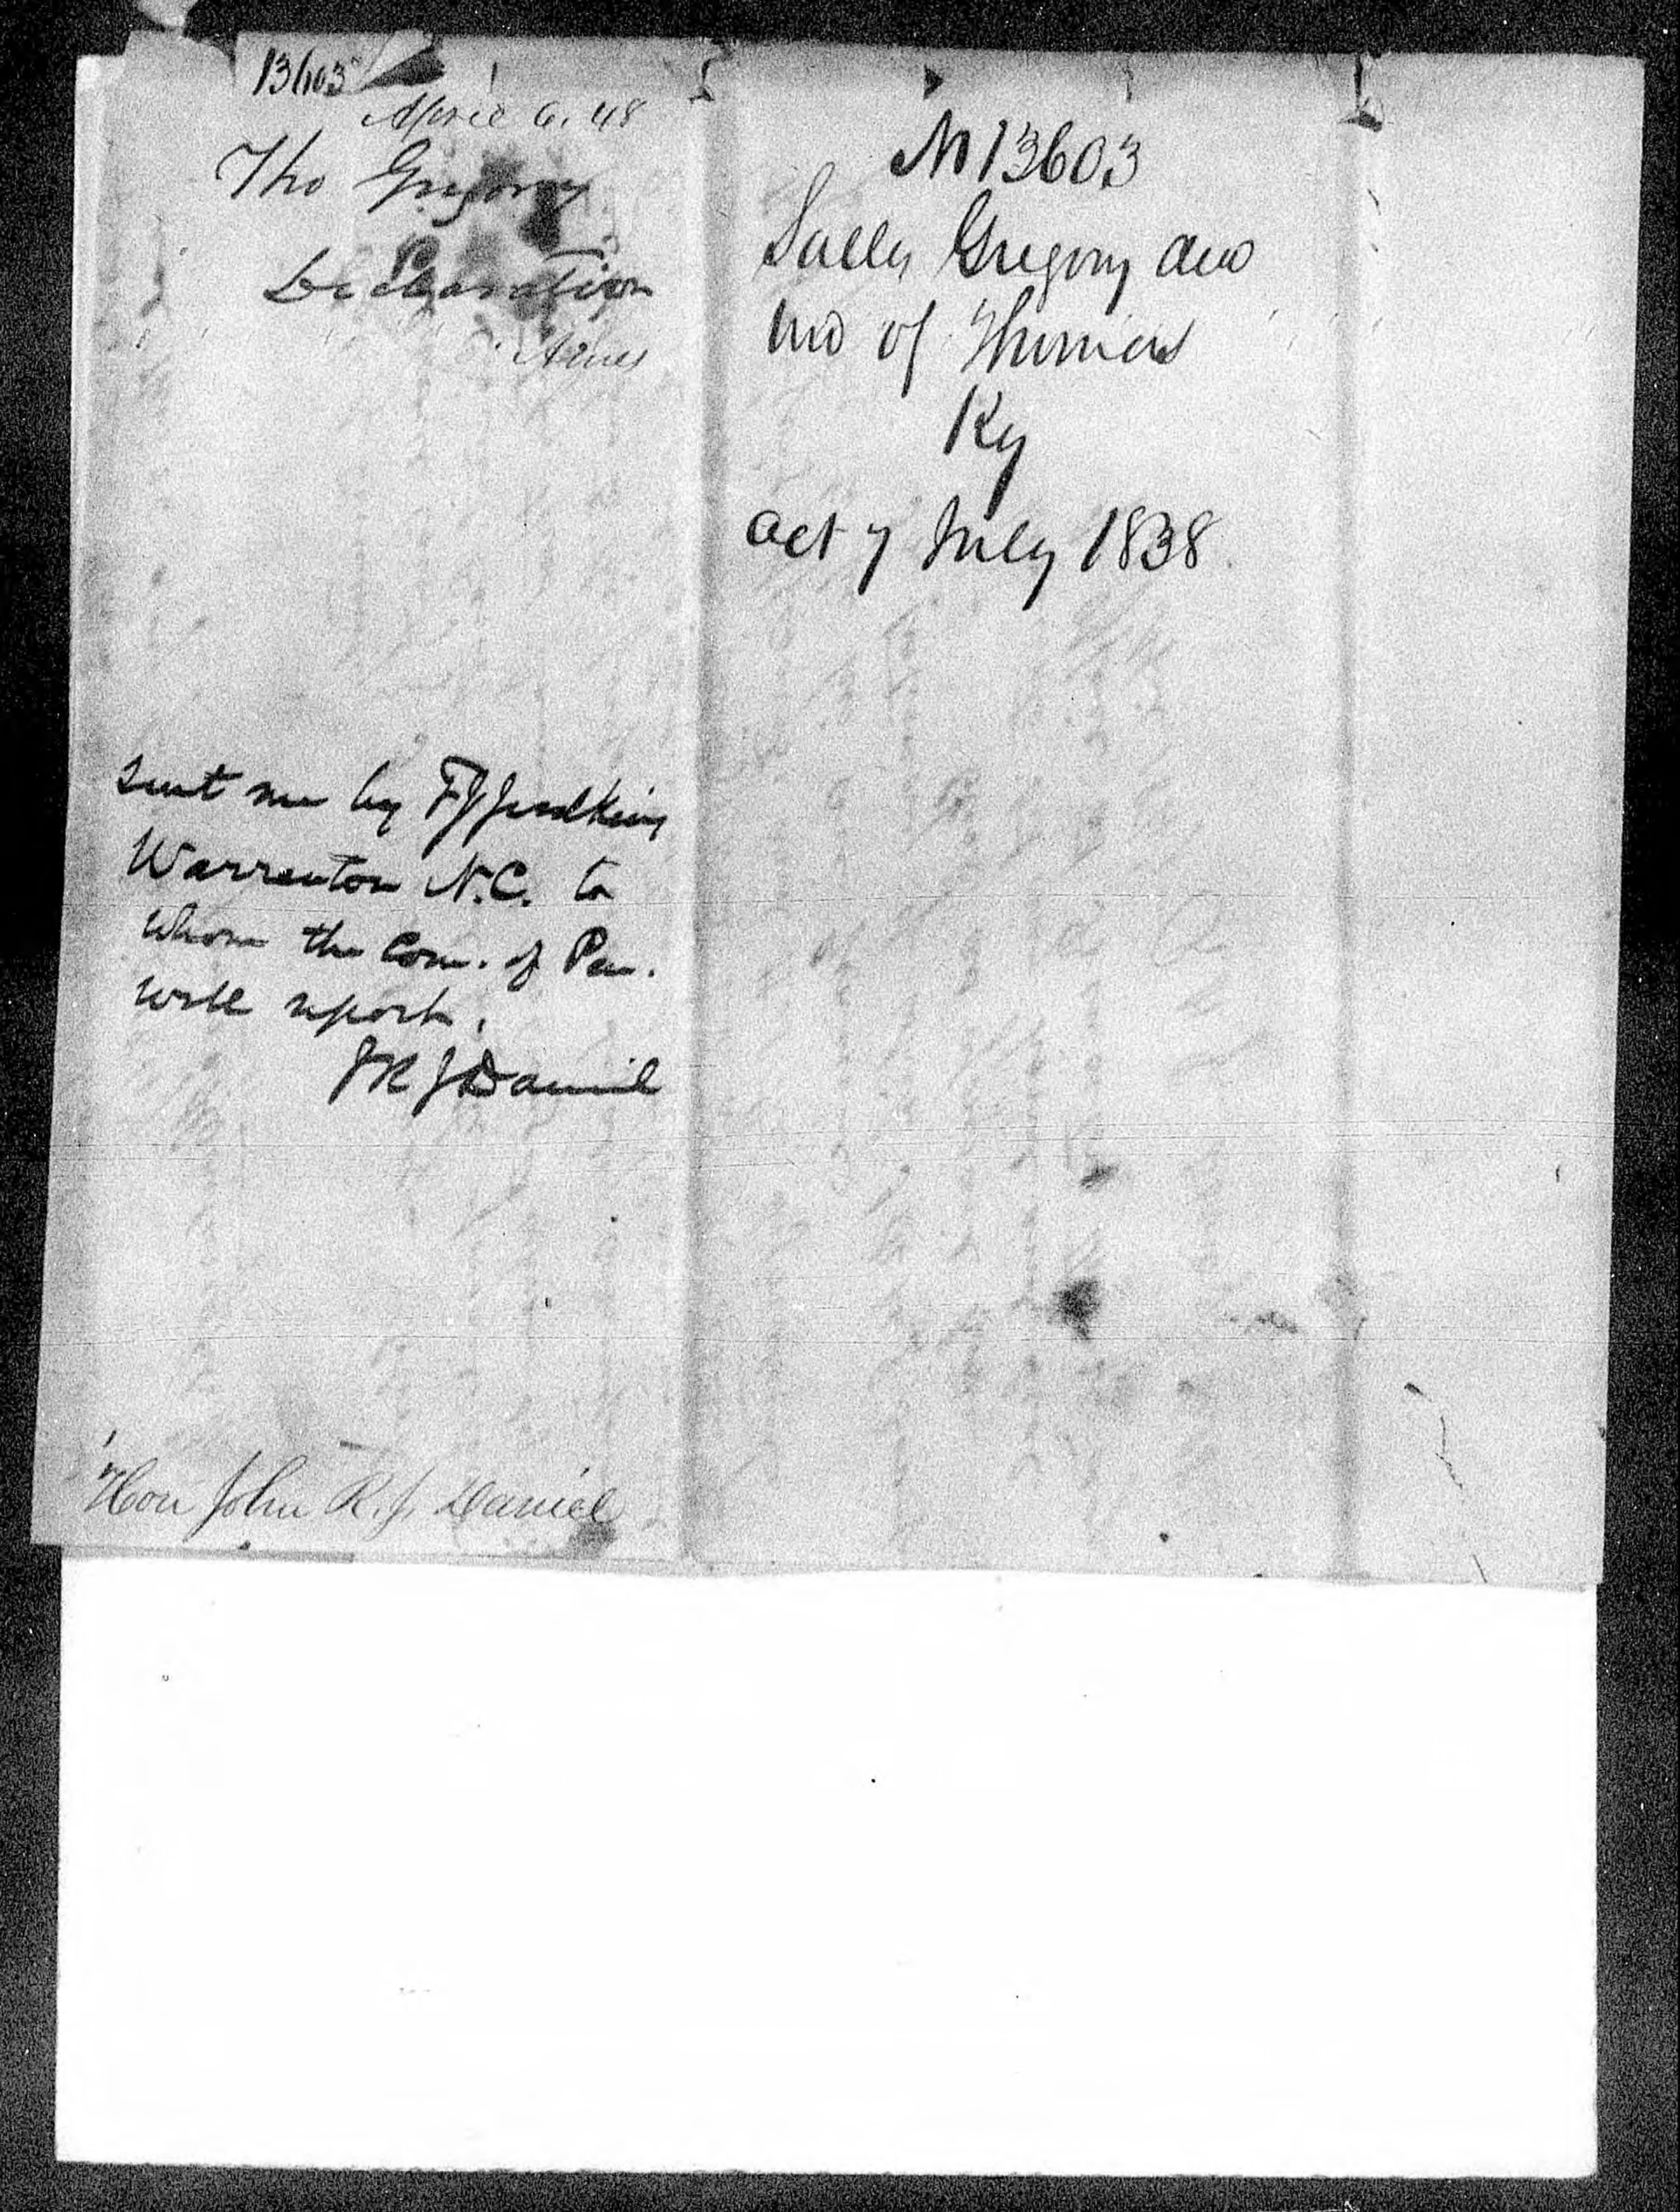13603

April 6. 48

Tho Gregory
declaration 
A[?]

Sent me by F J Judkins
Warrenton N.C. to
whom the Com. of Pen.
will report.
J R J Daniel

M13603
Sally Gregory dcd
wid of Thomas
Ky
Act 7 July 1838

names: Thomas Gregory, Sally Gregory, John R J Daniel, Tho Gregory, J R J Daniel, F J Judkins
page: 3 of 75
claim: widow's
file: W. 8876, Thomas Gregory, Continental Va